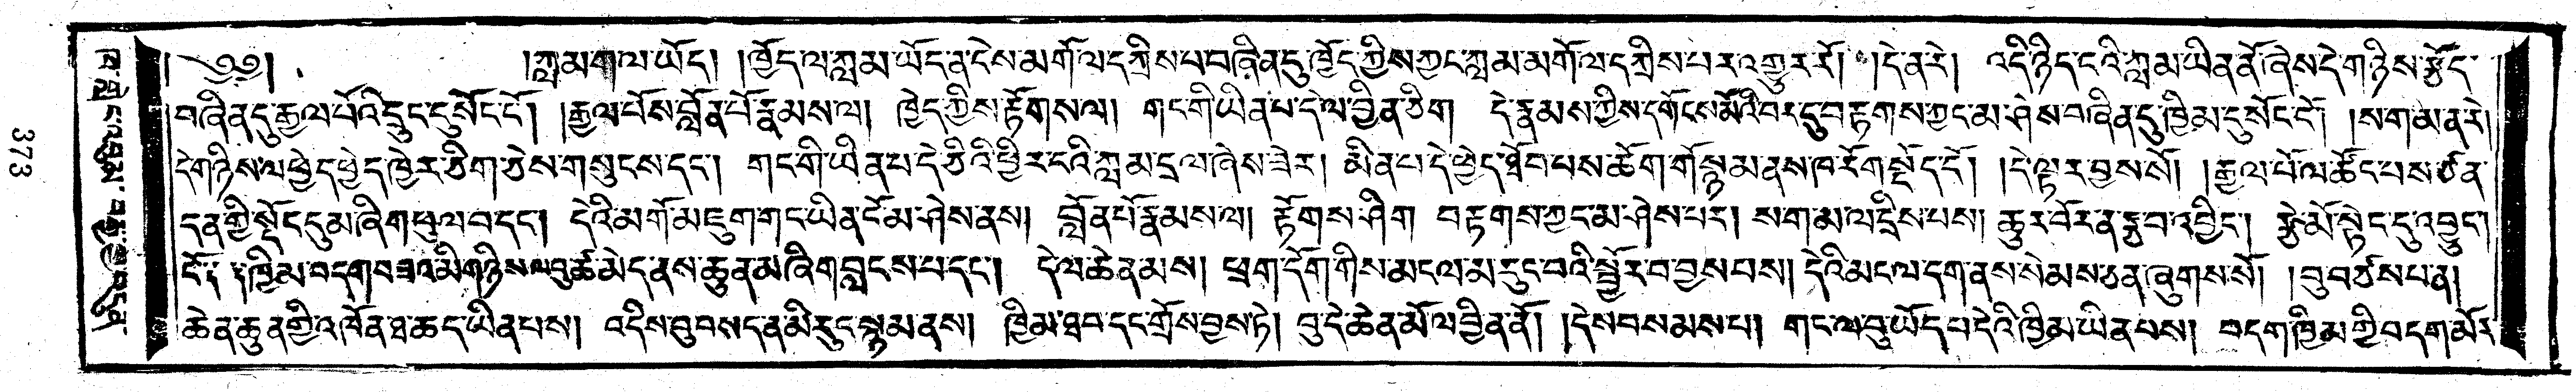༄༅། །ཀླམ་ག་ལ་ཡོད། །ཁྱོད་ལ་ཀླམ་ཡོད་ན་ངེས་མགོ་ལ་དཀྲིས་པ་བཞིན་དུ་ཁྱོད་ཀྱིས་ཀྱང་ཀླམ་མགོ་ལ་དཀྲིས་པར་འགྱུར་རོ། །དེ་ན་རེ། འདི་ཉིད་ངའི་ཀླམ་ཡིན་ནོ་ཞེས་དེ་གཉིས་རྩོད་
བཞིན་དུ་རྒྱལ་པོའི་དྲུང་དུ་སོང་ངོ། །རྒྱལ་པོས་བློན་པོ་རྣམས་ལ། ཁྱེད་ཀྱིས་རྟོགས་ལ། གང་གི་ཡིན་པ་དེ་ལ་བྱིན་ཅིག་དེ་རྣམས་ཀྱིས་དགོངས་མོའི་བར་དུ་བརྟགས་ཀྱང་མ་ཤེས་བཞིན་དུ་ཁྱིམ་དུ་སོང་ངོ། །ས་ག་མ་ན་རེ།
དེ་གཉིས་ལ་ཕྱེད་ཕྱེད་ཁྱེར་ཅིག་ཅེས་གསུངས་དང་། གང་གི་ཡིན་པ་དེ་ཅིའི་ཕྱིར་ངའི་ཀླམ་དྲལ་ཞེས་ཟེར། མིན་པ་དེ་ཕྱེད་ཐོབ་པས་ཆོག་གོ་སྙམ་ནས་ཁ་རོག་སྡོད་དོ། །དེ་ལྟར་བྱས་སོ། །རྒྱལ་པོ་ལ་ཚོང་པས་ཙན་
དན་གྱི་སྡོང་དུམ་ཞིག་ཕུལ་བ་དང་། དེའི་མགོ་མཇུག་གང་ཡིན་ངོ་མ་ཤེས་ནས། བློན་པོ་རྣམས་ལ། རྟོགས་ཤིག་བརྟགས་ཀྱང་མ་ཤེས་པར། ས་ག་མ་ལ་དྲིས་པས། ཆུར་བོར་ན་རྩ་བ་འབྱིང་། རྩེ་མོ་སྟེང་དུ་འབྱུང་།
ངོ༑ ༑ཁྱིམ་བདག་བཟའ་མི་གཉིས་ལའུ་ཚ་མེད་ནས་ཆུན་མ་ཞིག་བླངས་པ་དང་། དེ་ལ་ཆེན་མས། ཕྲག་དོག་གིས་མངལ་མ་རུང་བའི་སྦྱོར་བ་བྱས་པས། དེའི་མངལ་དག་ནས་སེམས་ཅན་ཞུགས་སོ། །བུ་བཙས་པ་ན།
ཆེན་ཆུན་གྱི་འཁོན་ཐ་ཆད་ཡིན་པས། འདིས་བུ་བསད་ན་མི་རུང་སྙམ་ནས། ཁྱིམ་ཐབ་དང་གྲོས་བྱས་ཏེ། བུ་དེ་ཆེན་མོ་ལ་བྱིན་ནོ། །དེས་བསམས་པ། གང་ལ་བུ་ཡོད་པ་དེའི་ཁྱིམ་ཡིན་པས། བདག་ཁྱིམ་གྱི་བདག་མོར་